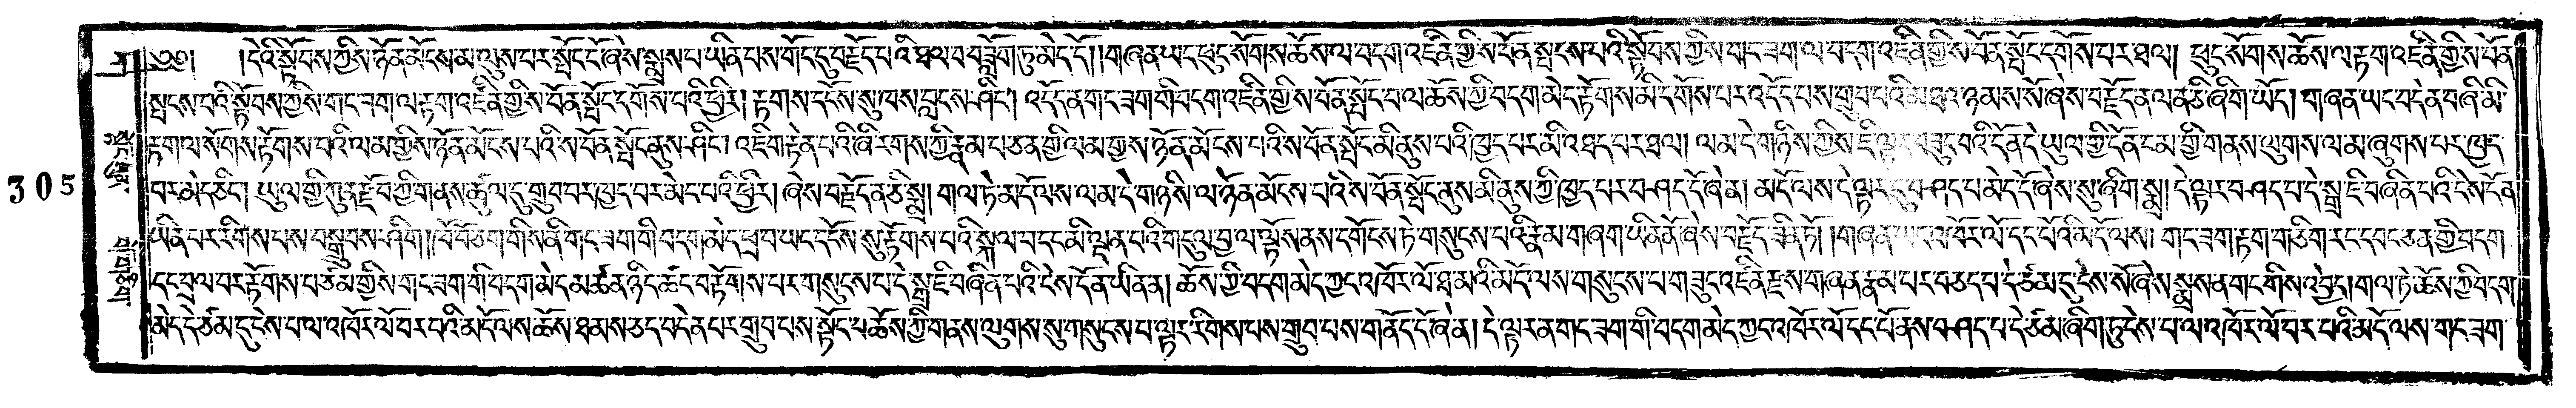༄༅། །དེའི་སྟོབས་ཀྱིས་ཉོན་མོངས་མ་ལུས་པར་སྤོང་ངོ་ཞེས་སྨྲས་པ་ཡིན་པས་གོང་དུ་བརྗོད་པའི་ཐལ་བདག་ཟློག་ཏུ་མེད་དོ། །གཞན་ཡང་ལུང་སོགས་ཆོས་ལ་བདག་འཛིན་གྱི་ས་བོན་སྤངས་པའི་སྟོབས་ཀྱིས་གང་ཟག་ལ་བདག་འཛིན་གྱི་ས་བོན་སྤོང་དགོས་པར་ཐལ། ཕུང་སོགས་ཆོས་ལ་རྟག་འཛིན་གྱི་ས་བོན་
སྤངས་པའི་སྟོབས་ཀྱིས་གང་ཟག་ལ་རྟག་འཛིན་གྱི་ས་བོན་སྤོང་དགོས་པའི་ཕྱིར། རྟགས་དངོས་སུ་ཁས་བླངས་ཤིང་། འདོད་ན་གང་ཟག་གི་བདག་འཛིན་གྱི་ས་བོན་སྤོང་བ་ལ་ཆོས་ཀྱི་བདག་མེད་རྟོགས་མི་དགོས་པར་འདོད་པས་གྲུབ་པའི་མཐའ་ཉམས་སོ་ཞེས་བརྗོད་ན་ལན་ཅི་ཞིག་ཡོད། གཞན་ཡང་བདེན་བཞི་མི་
རྟག་ལ་སོགས་རྟོགས་པའི་ལམ་གྱིས་ཉོན་མོངས་པའི་ས་བོན་སྤོང་ནུས་ཤིང་། འཇིག་རྟེན་པའི་ཞི་རགས་ཀྱི་རྣམ་པ་ཅན་གྱི་ལམ་གྱས་ཉོན་མོངས་པའི་ས་བོན་སྤོང་མི་ནུས་པའི་ཁྱད་པར་མི་འཐད་པར་ཐལ། ལམ་དེ་གཉིས་ཀྱིས་ཇི་ལྟར་བཟུང་བའི་དོན་དེ་ཡུལ་གྱི་དོན་དམ་གྱི་གནས་ལུགས་ལ་མ་ཞུགས་པར་ཁྱད་
པར་མེད་ཅིང་། ཡུལ་གྱི་ཀུན་རྫོབ་ཀྱི་གནས་ཚུལ་དུ་གྲུབ་པར་ཁྱད་པར་མེད་པའི་ཕྱིར། ཞེས་བརྗོད་ན་ཅི་སྨྲ། གལ་ཏེ་མདོ་ལས་ལམ་དེ་གཉིས་ལ་ཉོན་མོངས་པའི་ས་བོན་སྤོང་ནུས་མི་ནུས་ཀྱི་ཁྱད་པར་བཤད་དོ་ཞེ་ན། མདོ་ལས་དེ་ལྟར་དུ་བཤད་པ་མེད་དོ་ཞེས་སུ་ཞིག་སྨྲ། དེ་ལྟར་བཤད་པ་དེ་སྒྲ་ཇི་བཞིན་པའི་དེས་དོན་
ཡིན་པར་རིགས་པས་བསྒྲུབས་ཤིག །ཁོ་བོ་ཅག་གིས་ནི་གང་ཟག་གི་བདག་མེད་ཕྲ་བ་ཡང་དངོས་སུ་རྟོགས་པའི་སྐལ་བ་དང་མི་ལྡན་པའི་གདུལ་བྱ་ལ་ལྟས་ནས་དགོངས་ཏེ་གསུངས་པའི་རྣམ་གཞག་ཡིན་ནོ་ཞེས་བརྗོད་ཟིན་ཏོ། །གཞན་ཡང་འཁོར་ལོ་དང་པོའི་མདོ་ལས། གང་ཟག་རྟག་གཅིག་རང་དབང་ཅན་གྱི་བདག་
དང་བྲལ་བར་རྟོགས་པ་ཙམ་གྱིས་གང་ཟག་གི་བདག་མེད་མཚན་ཉིད་ཚད་བརྟོགས་པར་གསུངས་པ་དེ་སྒྲ་ཇི་བཞིན་པའི་ངེས་དོན་ཡིན་ན། ཆོས་ཀྱི་བདག་མེད་ཀྱང་འཁོར་ལོ་ཐ་མའི་མདོ་ལས་གསུངས་པ་གཟུང་འཛིན་རྫས་གཞན་རྣམ་པར་བཅད་པ་དེ་ཙམ་དུ་ངེས་སོ་ཞེས་སྨྲས་ན་གང་གིས་འབྱེད། གལ་ཏེ་ཆོས་ཀྱི་བདག་
མེད་དེ་ཙམ་དུ་ངེས་པ་ལ་འཁོར་ལོ་བར་བའི་མདོ་ལས་ཆོས་ཐམས་ཅད་བདེན་པར་གྲུབ་པས་སྟོང་པ་ཆོས་ཀྱི་གནས་ལུགས་སུ་གསུངས་པ་ལྟར་རིགས་པས་གྲུབ་པས་གནོད་དོ་ཞེ་ན། དེ་ལྟར་ན་གང་ཟག་གི་བདག་མེད་ཀྱང་འཁོར་ལོ་དང་པོ་ནས་བཤད་པ་དེ་ཙམ་ཞིག་ཏུ་ངེས་པ་ལ་འཁོར་ལོ་བར་བའི་མདོ་ལས་གང་ཟག་